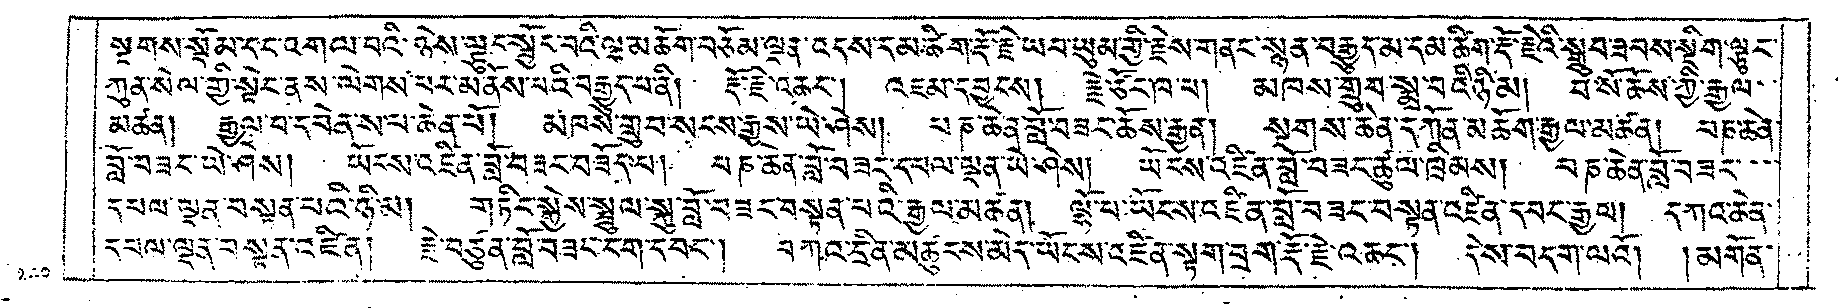སྔགས་སྡོམ་དང་འགལ་བའི་ཉེས་ལྟུང་སྦྱོང་བའི་ལྷ་མཆོག་བཅོམ་ལྡན་འདས་དམ་ཚིག་རྡོ་རྗེ་ཡབ་ཡུམ་གྱི་རྗེས་གནང་སྙན་བརྒྱུད་མ་དམ་ཚིག་རྡོ་རྗེའི་སྒྲུབ་ཟབས་སྡིག་ལྟུང་
ཀུན་སེལ་གྱི་སྟེང་ནས་ལེགས་པར་མནོས་པའི་བརྒྱུད་པ་ནི། རྡོ་རྗེ་འཆང་། འཇམ་དབྱངས། རྗེ་ཙོང་ཁ་པ། མཁས་གྲུབ་སྨྲ་བའི་ཉི་མ། བ་སོ་ཆོས་ཀྱི་རྒྱལ་
མཚན། རྒྱལ་བ་དབེན་ས་པ་ཆེན་པོ། མཁས་གྲུབ་སངས་རྒྱས་ཡེ་ཤེས། པཎ་ཆེན་བློ་བཟང་ཆོས་རྒྱན། སྔགས་ཆེན་དཀོན་མཆོག་རྒྱལ་མཚན། པཎ་ཆེན་
བློ་བཟང་ཡེ་ཤེས། ཡོངས་འཛིན་བློ་བཟང་བཟོད་པ། པཎ་ཆེན་བློ་བཟང་དཔལ་ལྡན་ཡེ་ཤེས། ཡོངས་འཛིན་བློ་བཟང་ཚུལ་ཁྲིམས། པཎ་ཆེན་བློ་བཟང་
དཔལ་ལྡན་བསྟན་པའི་ཉི་མ། གཏིང་སྐྱེས་སྤྲུལ་སྐུ་བློ་བཟང་བསྟན་པའི་རྒྱལ་མཚན། ལྷོ་པ་ཡོངས་འཛིན་བློ་བཟང་བསྟན་འཛིན་དབང་རྒྱལ། དཀའ་ཆེན་
དཔལ་ལྡན་བསྟན་འཛིན། རྗེ་བཙུན་བློ་བཟང་ངག་དབང་། བཀའ་དྲིན་མཚུངས་མེད་ཡོངས་འཛིན་སྟག་བྲག་རྡོ་རྗེ་འཆང་། དེས་བདག་ལའོ། །མགོན་